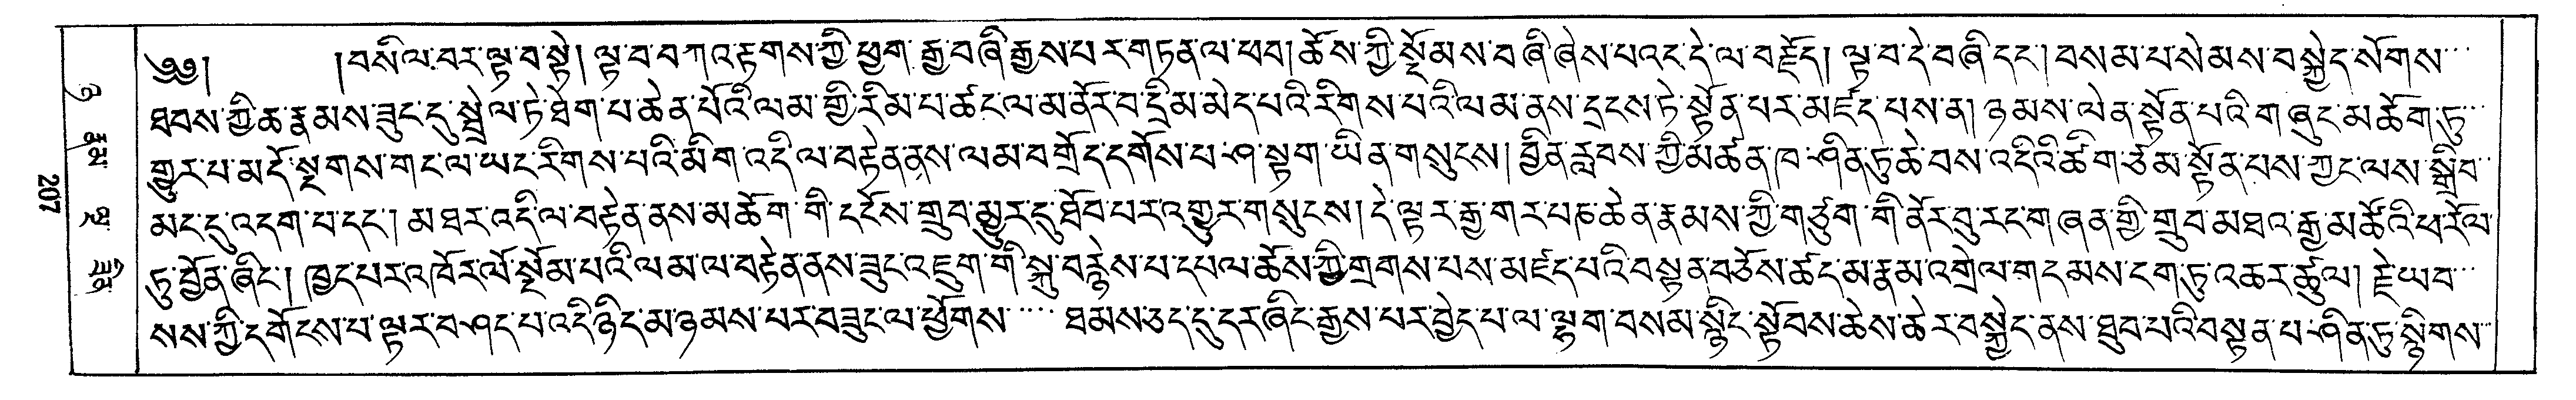༄༅། །བསིལ་བར་ལྟ་བ་སྟེ། ལྟ་བ་བཀའ་རྟགས་ཀྱི་ཕྱག་རྒྱ་བཞི་རྒྱས་པར་གཏན་ལ་ཕག་ཆོས་ཀྱི་སྡོམས་བཞི་ཞེས་པའང་དེ་ལ་བརྗོད། ལྟ་བ་དེ་བཞི་དང་། བསམ་པ་སེམས་བསྐྱེད་སོགས་
ཐབས་ཀྱི་ཆ་རྣམས་ཟུང་དུ་སྦྲེལ་ཏེ་ཐེག་པ་ཆེན་པོའི་ལམ་གྱི་རིམ་པ་ཚང་ལ་མ་ནོར་བ་དྲི་མ་མེད་པའི་རིགས་པའི་ལམ་ནས་དྲངས་ཏེ་སྟོན་པར་མཛད་པས་ན། ཉམས་ལེན་སྟོན་པའི་གཞུང་མཆོག་ཏུ་
གྱུར་པ་མདོ་སྔགས་གང་ལ་ཡང་རིགས་པའི་མིག་འདི་ལ་བརྟེན་ནས་ལམ་བགྲེད་དགོས་པ་ཤ་སྟག་ཡིན་གསུངས། བྱིན་རླབས་ཀྱི་མཚན་ཁ་ཤིན་ཏུ་ཆེ་བས་འདིའི་ཚིག་ཙམ་སྟོན་པས་ཀྱང་ལས་སྒྲིབ་
མང་དུ་འདག་པ་དང་། མཐར་འདི་ལ་བརྟེན་ནས་མཆོག་གི་དངོས་གྲུབ་མྱུར་དུ་ཐོབ་པར་འགྱུར་གསུངས། དེ་ལྟར་རྒྱ་གར་པཎ་ཆེན་རྣམས་ཀྱི་གཙུག་གི་ནོར་བུ་རང་གཞན་གྱི་གྲུབ་མཐའ་རྒྱ་མཚོའི་ཕ་རོལ་
ཏུ་བྱོན་ཞིང་། ཁྱད་པར་འཁོར་ལོ་སྡོམ་པའི་ལམ་ལ་བརྟེན་ནས་ཟུང་འཇུག་གི་སྐུ་བརྙེས་པ་དཔལ་ཆོས་ཀྱི་གྲགས་པས་མཛད་པའི་བསྟན་བཅོས་ཚད་མ་རྣམ་འགྲེལ་གདམས་ངག་ཏུ་འཆར་ཚུལ། རྗེ་ཡབ་
སྲས་ཀྱི་དགོངས་པ་ལྟར་བཤད་པ་འདི་ཉིད་མཉམས་པར་བཟུང་ལ་ཕྱོགས་ཐམས་ཅད་དུ་དར་ཞིང་རྒྱས་པར་བྱེད་པ་ལ་ལྷག་བསམ་སྙིང་སྟོབས་ཆེས་ཆེར་བསྐྱེད་ནས་ཐུབ་པའི་བསྟན་པ་ཤིན་ཏུ་སྙིགས་